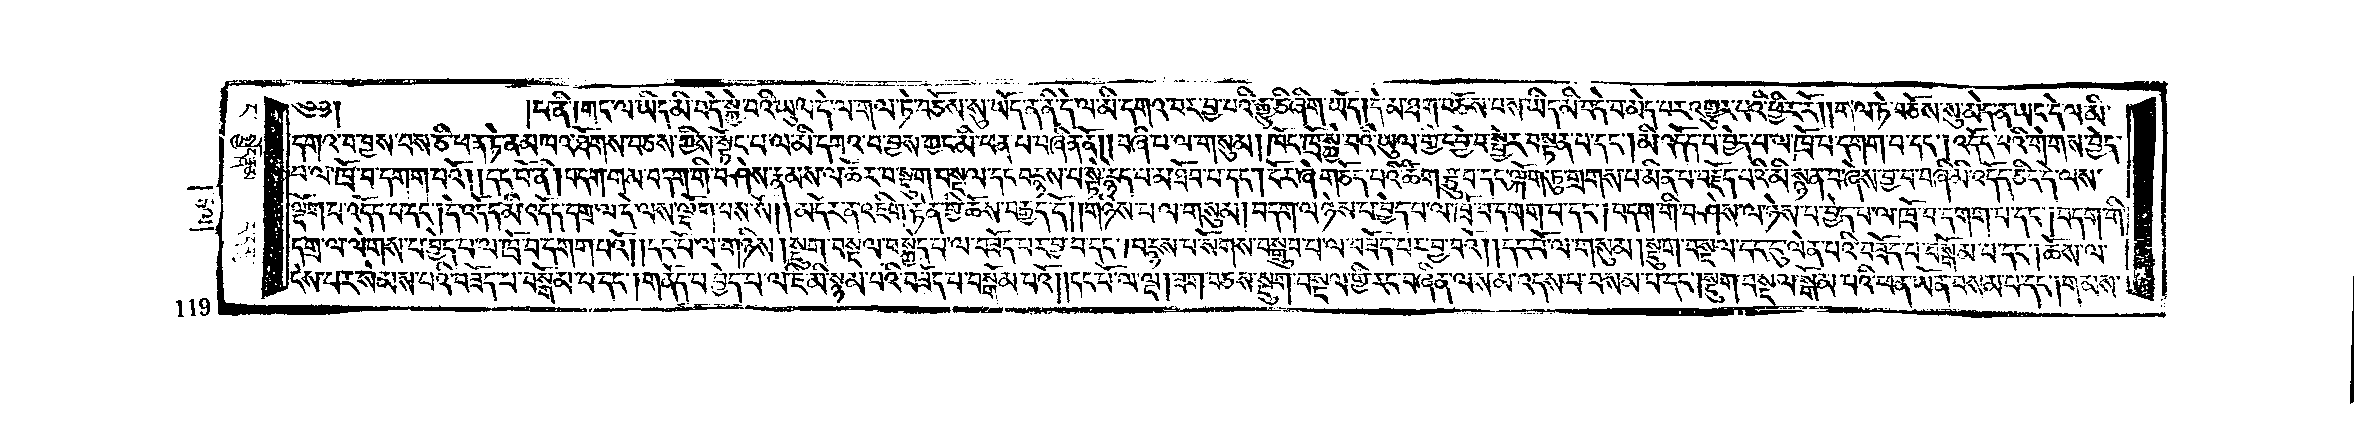༄༅། །པ་ནི། གང་ལ་ཡིད་མི་བདེ་སྐྱེ་བའི་ཡུལ་དེ་ལ་གལ་ཏེ་བཅོས་སུ་ཡོད་ན་ནི་དེ་ལ་མི་དགའ་བར་བྱ་བའི་རྒྱུ་ཅི་ཞིག་ཡོད། དེ་མ་ཐག་བཅོས་པས་ཡིད་མི་བདེ་བ་མེད་པར་འགྱུར་བའི་ཕྱིར་རོ། །གལ་ཏེ་བཅོས་སུ་མེད་ན་ཡང་དེ་ལ་མི་
དགའ་བ་བྱས་པས་ཅི་ཕན་ཏེ་ནམ་མཁའ་ཐོགས་བཅས་ཀྱིས་སྟོང་པ་ལ་མི་དགའ་བ་བྱས་ཀཡང་མི་ཕན་པ་བཞིན་ནོ། །བཞི་པ་ལ་གསུམ། ཁོང་ཁྲོ་སྐྱེ་བའི་ཡུལ་གྱི་དབྱེ་བ་སྤྱིར་བསྟན་པ་དྣག། མི་འདོད་པ་བྱེད་པ་ལ་ཁོར་བ་དགག་པ་དང་། འདོད་པའི་གེགས་བྱེད་
པ་ལ་ཁོར་བ་དགག་པའོ། །དང་པོ་ནི། བདག་གམ་བདག་གི་ཤེས་རྣམས་ལ་ཚོར་བ་སྡུག་བསྔལ་དང་བརྙས་པ་སྟེ་རྙེད་པ་མ་ཐོབ་པ་དང་། དོར་ཞེ་གཅོད་པའི་ཚིག་རྩུབ་དང་ལྐོག་ཏུ་གྲགས་པ་མིན་པ་བརྗོད་པའི་མི་སྙན་པ་ཞེས་བྱ་བ་བཞི་མི་འདོད་ཅིང་དེ་ལས་
ལྡོག་པ་འདོད་པ་དང་། དེ་འདོད་མི་འདོད་དགྲ་ལ་དེ་ལས་ལྡོག་པས་སོ། །མདོར་ན་འཇིག་རྟེན་གྱི་ཆོས་བརྒྱད་དོ། །གཉིས་པ་ལ་གསུམ། བདག་ལ་ཉེས་པ་བྱེད་པ་ལ་ཁྲོ་བ་དགག་པ་དང་། བདག་གི་བཤེས་ལ་ཉེས་པ་བྱེད་པ་ལ་ཁོར་བ་དགག་པ་དང་། བདག་གི་
དགྲ་ལ་ལེགས་པ་བྱེད་པ་ལ་ཁྲོ་བ་དགག་པའོ། །དང་པོ་ལ་གཉིས། སྡུག་བསྔལ་བསྐྱེད་པ་ལ་བཟོད་པར་བྱ་བ་དྣག། བརྙས་པ་སོགས་བསྒྲུབ་པ་ལ་བཟོད་པར་བྱ་བའོ། །དང་པོ་ལ་གསུམ། སྡུག་བསྔལ་དང་དུ་ལེན་པའི་བཟོད་པ་བསྒོམ་པ་དང་། ཆོས་ལ་
ངེས་པར་སེམས་པའི་བཟོད་པ་བསྒོམ་པ་དྣག། གནོད་པ་བྱེད་པ་ལ་ཇི་མི་སྙམ་པའི་བཟོད་པ་བསྒོམ་པའོ། །དང་པོ་ལ་ལྔ། ཟག་བཅས་སྡུག་བསྔལ་གྱི་རང་ཞིན་ལས་མ་འདས་པ་བསམ་པ་དང་། སྡུག་བསྔལ་སྒོམ་པའི་ཕན་ཡོན་བསམ་པ་དང་། གམས་